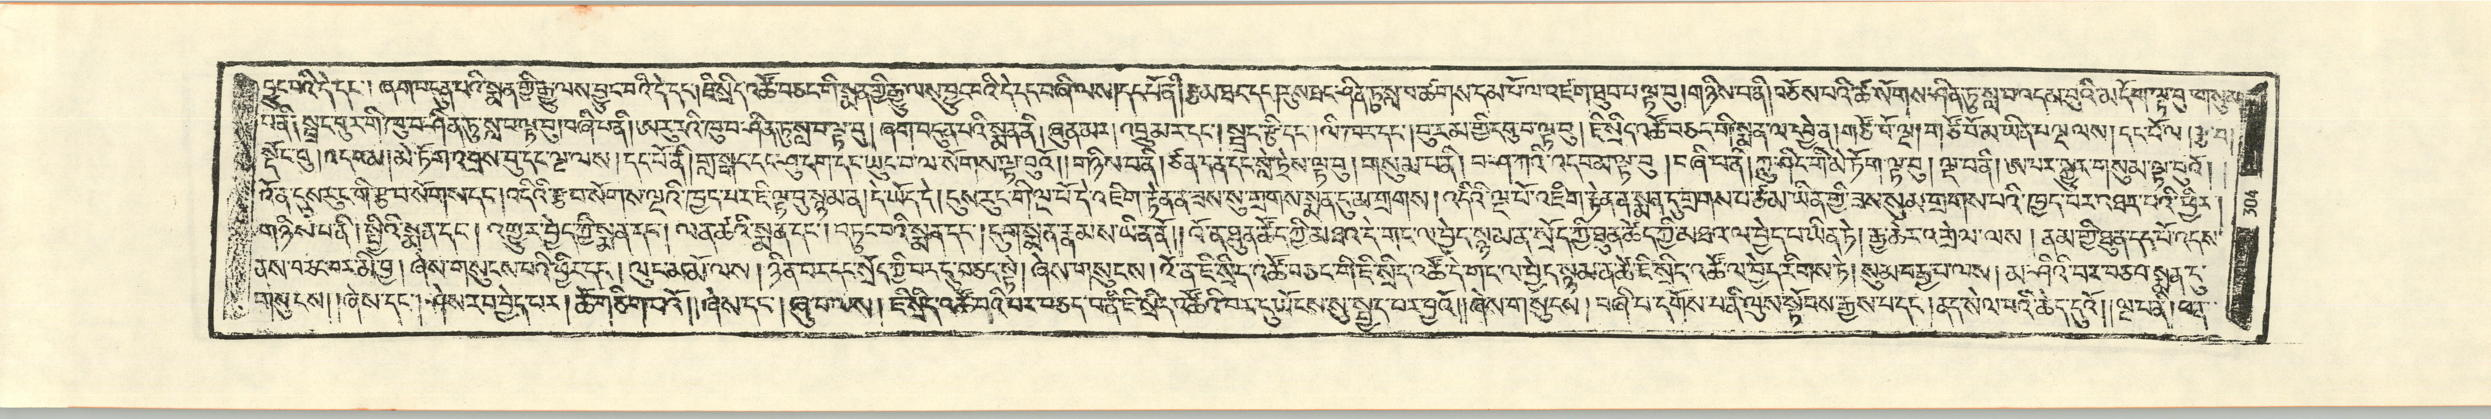བྱུང་བའི་དེ་དང་། ཞག་བདུན་པའི་སྨན་གྱི་རྒྱུ་ལས་བྱུང་བའི་དེ་དང་། ཇི་སྲིད་འཚོ་བཅང་གི་སྨན་གྱི་རྒྱུ་ལས་བྱུང་བའི་དེ་དང་བཞི་ལས། དང་པོ་ནི། རྩམ་ཐང་དང་། རུས་ཐང་ཤིན་ཏུ་སླ་བ་ཚགས་དམ་པོ་ལ་འཛག་ཐུབ་པ་ལྟ་བུ། གཉིས་པ་ནི། བཅོས་པའི་ཚ་སོགས་ཤིན་ཏུ་སླ་པ་འདམ་བུའི་མདོག་ལྟ་བུ་གསུམ་
པ་ནི། སྦྲང་བུར་གི་ཁུ་བ་ཤིན་ཏུ་སླ་བ་ལྟ་བུ། བཞི་པ་ནི། ཨ་རུ་རའི་ཁུ་བ་ཤིན་ཏུ་སླ་བ་ལྟ་བུ། ཞག་བདུན་པའི་སྨན་ནི། ཞུན་མར། འབྲུ་མར་དང་། སྦྲད་རྩི་དང་། ལི་ཁར་དང་། བུ་རམ་གྱི་དབུ་བ་ལྟ་བུ། ཇི་སྲིད་འཚོ་བཅང་གི་སྨན་ལ་དབྱེ་ན། གཙོ་བོ་ལྔ། གཙོ་བོ་མ་ཡིན་པ་ལྔ་ལས། དང་པོ་ལ། རྩ་བ།
སྡོང་བུ། འདབ་མ། མེ་ཏོག་འབྲས་བུ་དང་ལྔ་ལས། དང་པོ་ནི། གླ་སྒང་དང་ཤུ་དག་དང་ཡུང་བ་ལ་སོགས་ལྟ་བུའོ། །གཉིས་པ་ནི། ཙན་དན་དང་སླེ་ཏྲེས་ལྟ་བུ། གསུམ་པ་ནི། བ་ཤ་ཀའི་འདབ་མ་ལྟ་བུ། བཞི་པ་ནི། ཀླུ་ཤིང་གི་མེ་ཏོག་ལྟ་བུ། ལྔ་བ་ནི། ཨ་པར་སྐྱུར་གསུམ་ལྟ་བུའོ། །
འོ་ན་དུས་རུང་གི་རྩ་བ་སོགས་དང་། འདིའི་རྩ་བ་སོགས་ལྔའི་ཁྱད་པར་ཇི་ལྟ་བུ་སྙམ་ན། དེ་ཡོད་དེ། དུས་རུང་གི་ལྔ་པོ་དེ་འཇིག་རྟེན་ན་ཟས་སུ་གྲགས་སྨན་དུ་མ་གྲགས། འདིའི་ལྔ་པོ་འཇིག་རྟེན་ན་སྨན་དུ་གྲགས་པ་ཙམ་ཡིན་གྱི་ཟས་སུམ་གྲགས་པའི་ཁྱད་པར་འཐར་པའི་ཕྱིར།
གཉིས་པ་ནི། སྤྱིའི་སྨན་དང་། འགྱུར་བྱེད་ཀྱི་སྨན་དང་། ལན་ཚའི་སྨན་དང་། བཏུང་བའི་སྨན་དང་། དུག་སྨན་རྣམས་ཡིན་ནོ། །འོ་ན་ཐུན་ཚོད་ཀྱི་མཐའ་དེ་གང་ལ་བྱེད་སྙམ་ན་སྲོད་ཀྱི་ཐུན་ཚེད་ཀྱི་མཐའ་ལ་བྱེད་པ་ཡིན་ཏེ། རྒྱ་ཆེར་འགྲེལ་ལས། ནམ་གྱི་ཐུན་དང་པོ་འདས་
ནས་བཅང་བར་མི་བྱ། ཞེས་གསུངས་པའི་ཕྱིར་དང་། ལུང་མ་མོ་ལས། ཉིན་བར་དང་སྲོད་ཀྱི་བར་དུ་བཅང་སྟེ། ཞེས་གསུངས། འོ་ན་ཇི་སྲིད་འཚོ་བཅང་གི་ཇི་སྲིད་འཚོ་དེ་གང་ལ་བྱེད་སྙམ་ན་ཚེ་ཇི་སྲིད་འཚོ་ལ་བྱེད་རིགས་ཏེ། སུམ་བརྒྱ་པ་ལས། མ་ཤིའི་བར་བཅབ་སྨན་དུ་
གསུངས། །ཞེས་དང་། ཤེས་རབ་བྱེད་པར། ཆོ་གཅིག་པའོ། །ཞེས་དང་། ཞུ་བ་ལས། ཇི་སྲིད་འཚོ་བའི་བར་བཅད་པ་ནི་ཇི་སྲིད་འཚོའི་བར་དུ་ཡོངས་སུ་སྤྱད་པར་བྱའོ། །ཞེས་གསུངས། བཞི་པ་དགོས་པ་ནི་ལུས་སྟོབས་རྒྱས་པ་དང་། ནད་སེལ་བའི་ཆེད་དུའོ། ལྔ་པ་ནི། ཕན་